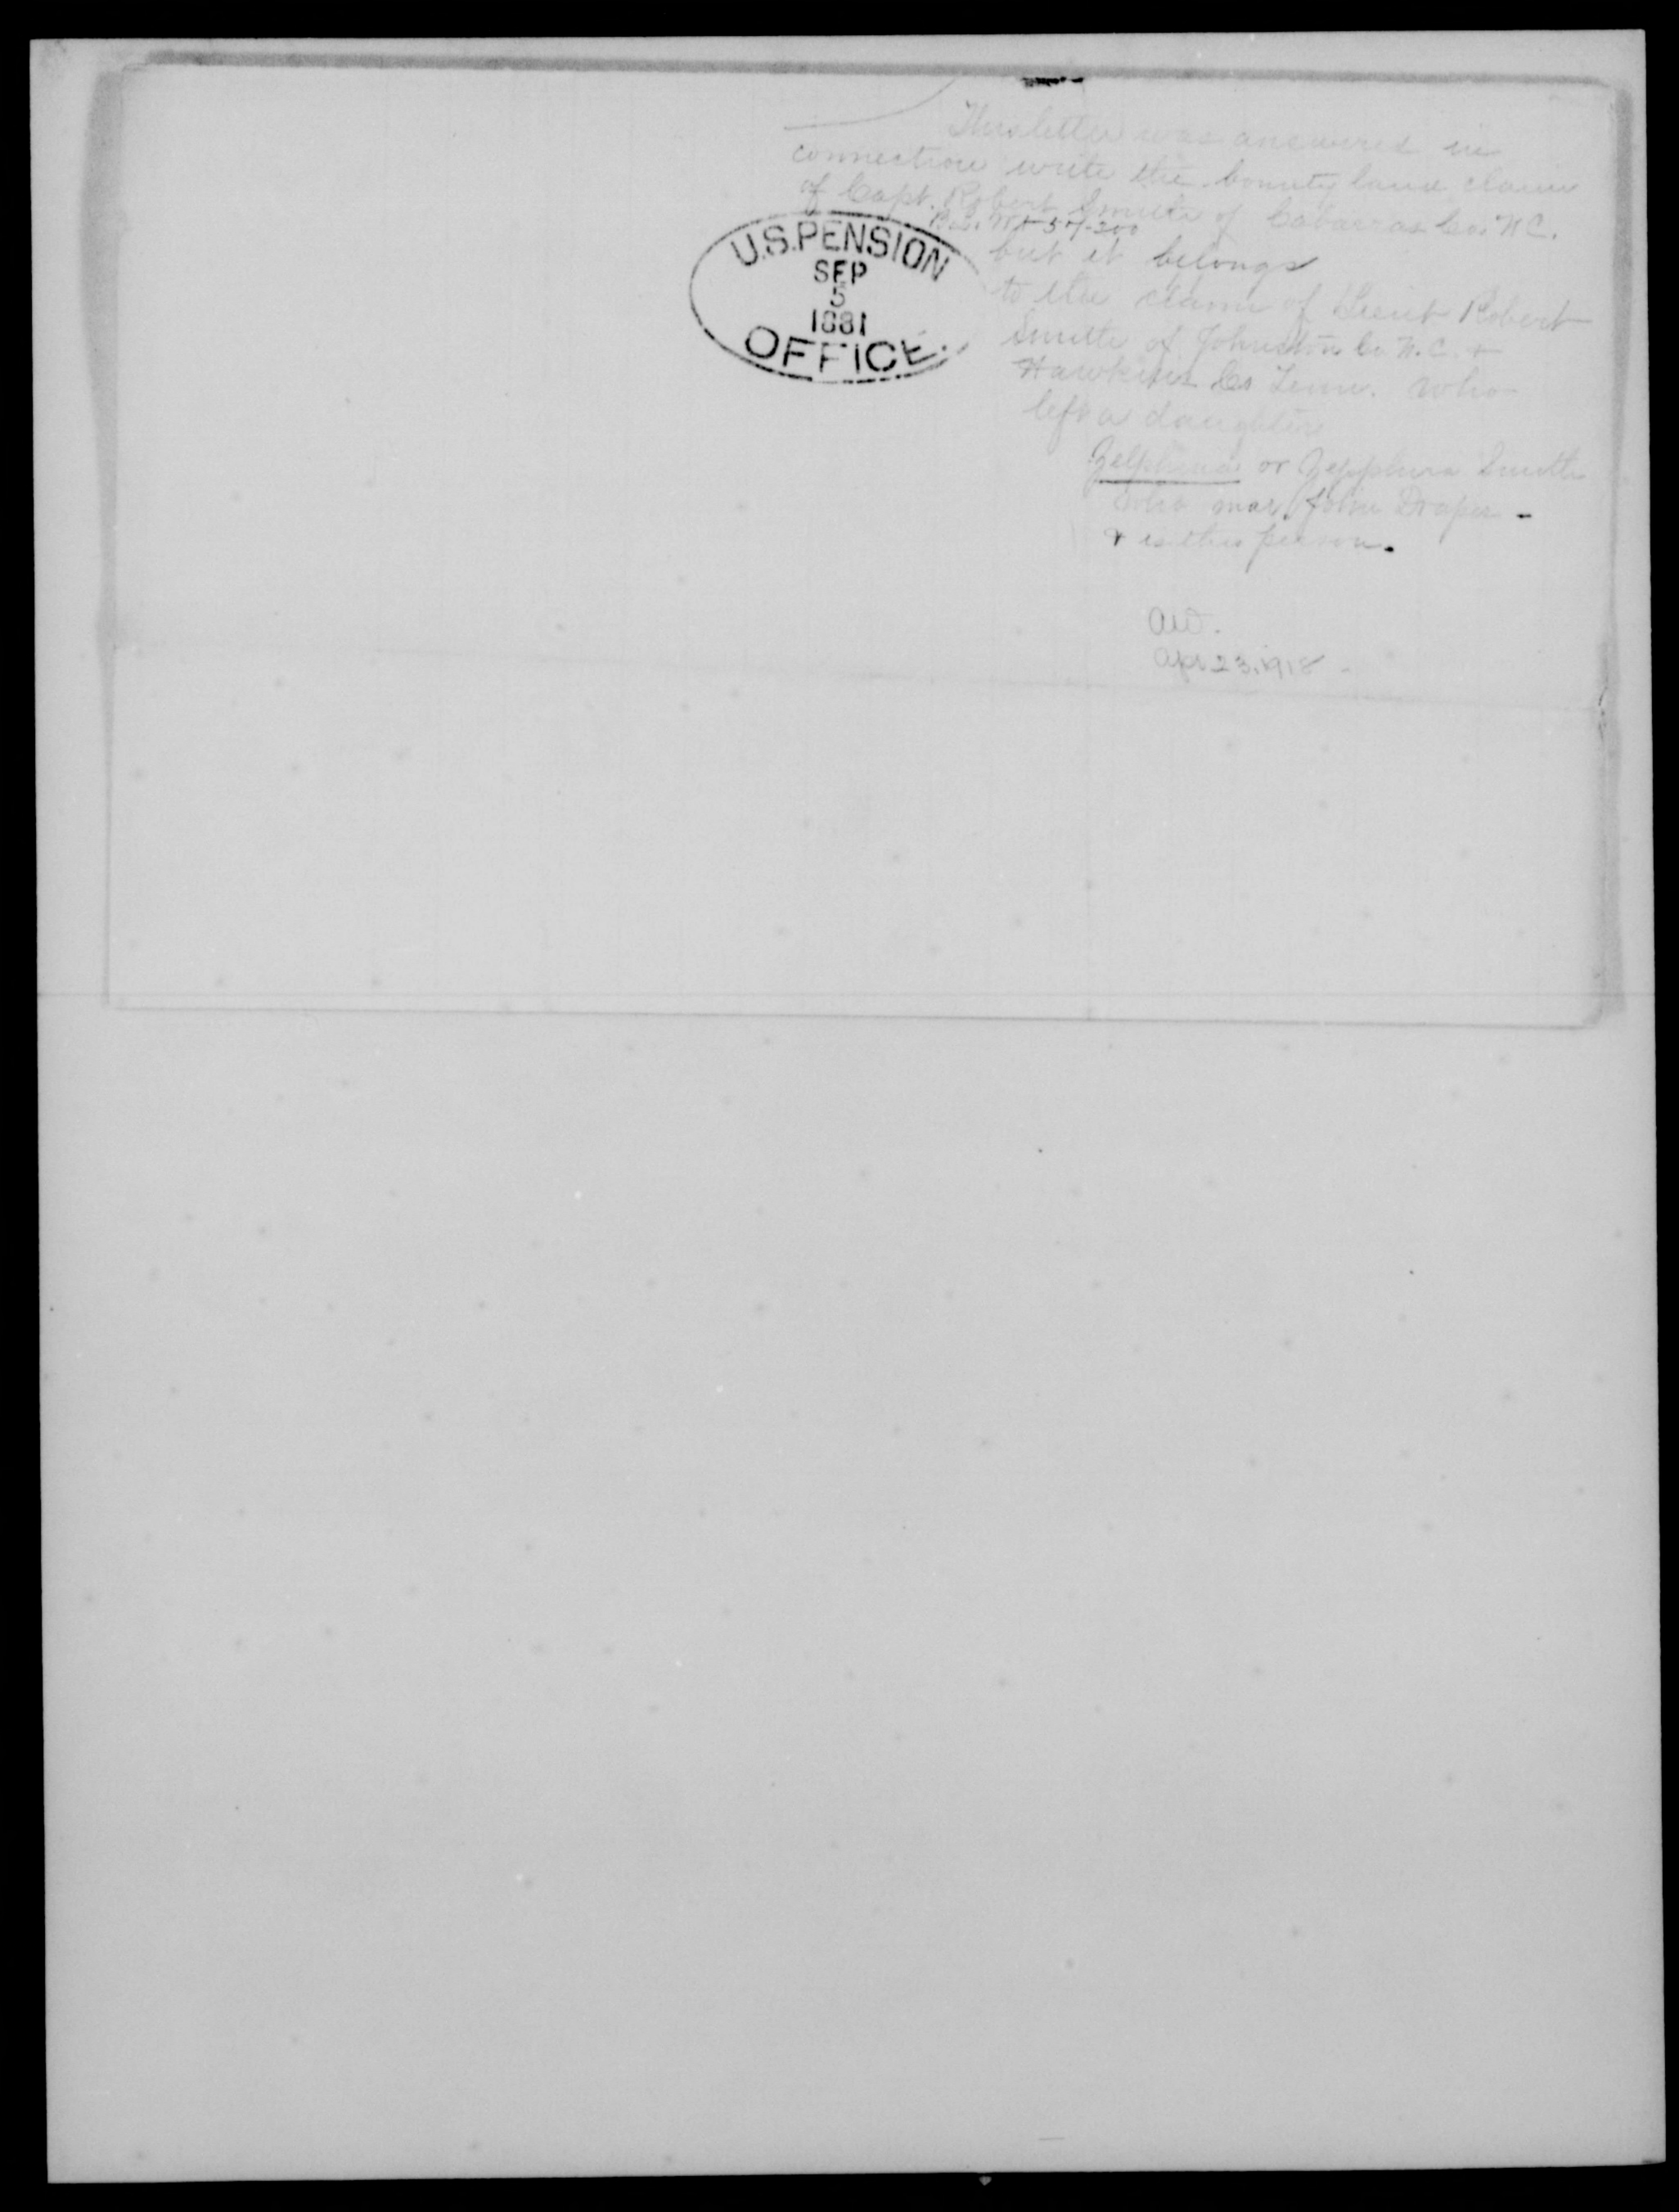[stamp] U.S. PENSION OFFICE SEP 5 1881
This letter was answered in connection write the bounty land claim of Robert Smith of Babarras Co. NC. [illegible] Wt 57.200 but it belongs to the claim of Lieut Robert Smith of Johnson Cio. N.C. & Hawkins Co. Tenn. Who left a daughter Zelphiah or Zephira Smith who mar. John Draper & is this person
aw
Apr 23 1918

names: Zelporah Smith; Robert Smith; John Draper; Robert Smith; Zeppherine Smith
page: 60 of 79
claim: widow's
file: W. 1504, for Robert Smith, North Carolina